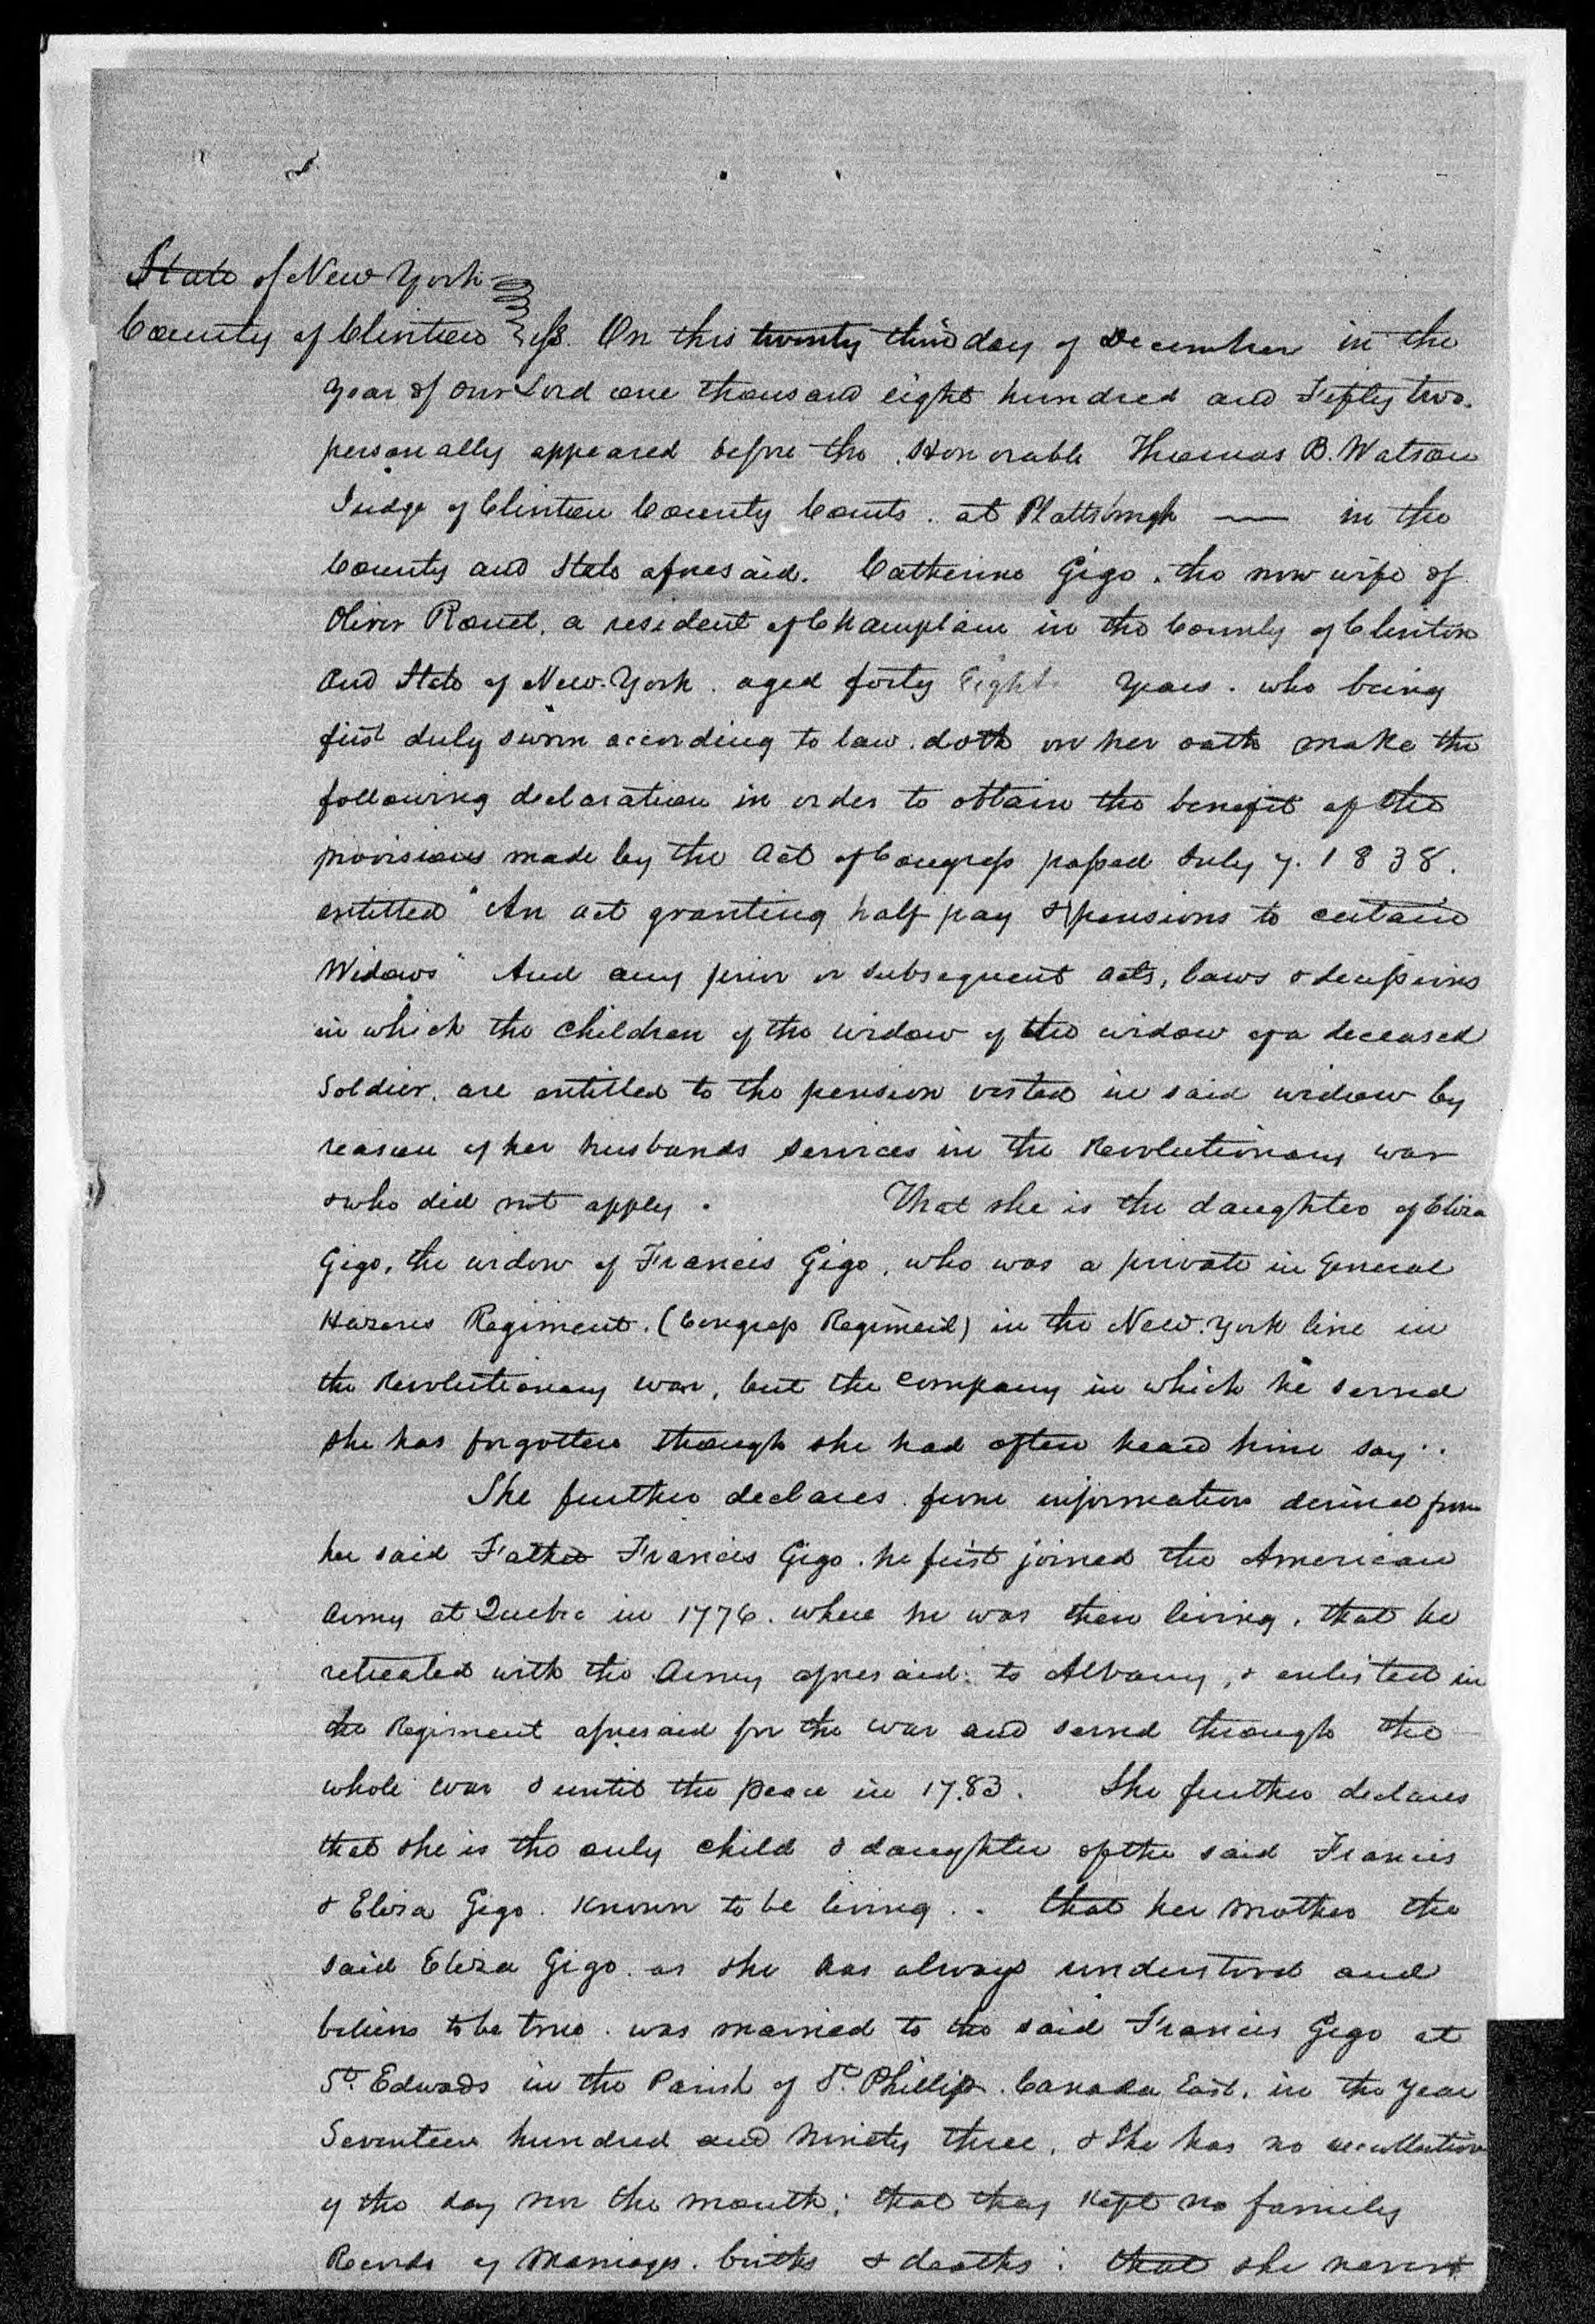State of New York
County of Clinton  ss
On this twenty third day of December in the year of our Lord one thousand and eight hundred and Fifty two, personally appeared before the Honorable Thomas B. Watson, Judge of Clinton County Courts at Plattsburgh - in the County and State aforesaid.  Catherine Gigo, the new wife of Oliver Roust, a resident of Champlain in the County of Clinton and State of New York, aged forty eight years, who being first duly sworn according to law doth in her oath make the following declaration in order to obtain the benefit of the provisions made by the Act of Congress passed July 7, 1838, entitled "An act granting half pay of pensions to certain widows" And any prior or subsequent acts, laws & decisions in which the children of the widow if this widow of a  deceased soldier are entitled to the pension vested in said widow by reason of her husands services in the Revolutionary was who did not apply.
That she is the daughter of Eliza Gigo, the widow of Francis Gigo, who was a private in General Hasens Regiment, (Congress Regiment) in the New York line in the Revolutionary war, but the company in which he served she has forgotten though she had often heard him say.
The further declares from information derived from her said Father Francis Gigo, he first joined the American Army at Quebec in 1776, where he was then living, that he retreated with the Army apres aid to Albany, & enlisted in the Regiment aforesaid for the war and served through the whole war & until the peace in 1783. She further declares that she is the only child & daughter of the said Francis & Eliza Gigo known to be living..that her mother the said Eliza Gigo as she has always understood and believes to be true was married to the said Francis Gigo at St. Edwards in the Parish of St. Phillip, Canada East, in the year Seventeen hundred and ninety three & she has no ? of the day nor the month; that the kept no family Records of marriage, births & deaths. She never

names: Eliza Gigo, Catherine Gigo, Francis Gigo, Francis Gigo, Francis Gigo, Oliver Rouet, Thomas B Watson, Francis Gigo, Eliza Gigo, Eliza Gigo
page: 12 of 98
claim: widow's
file: W. 21182, Francis Gigo, Continental (Canadian)